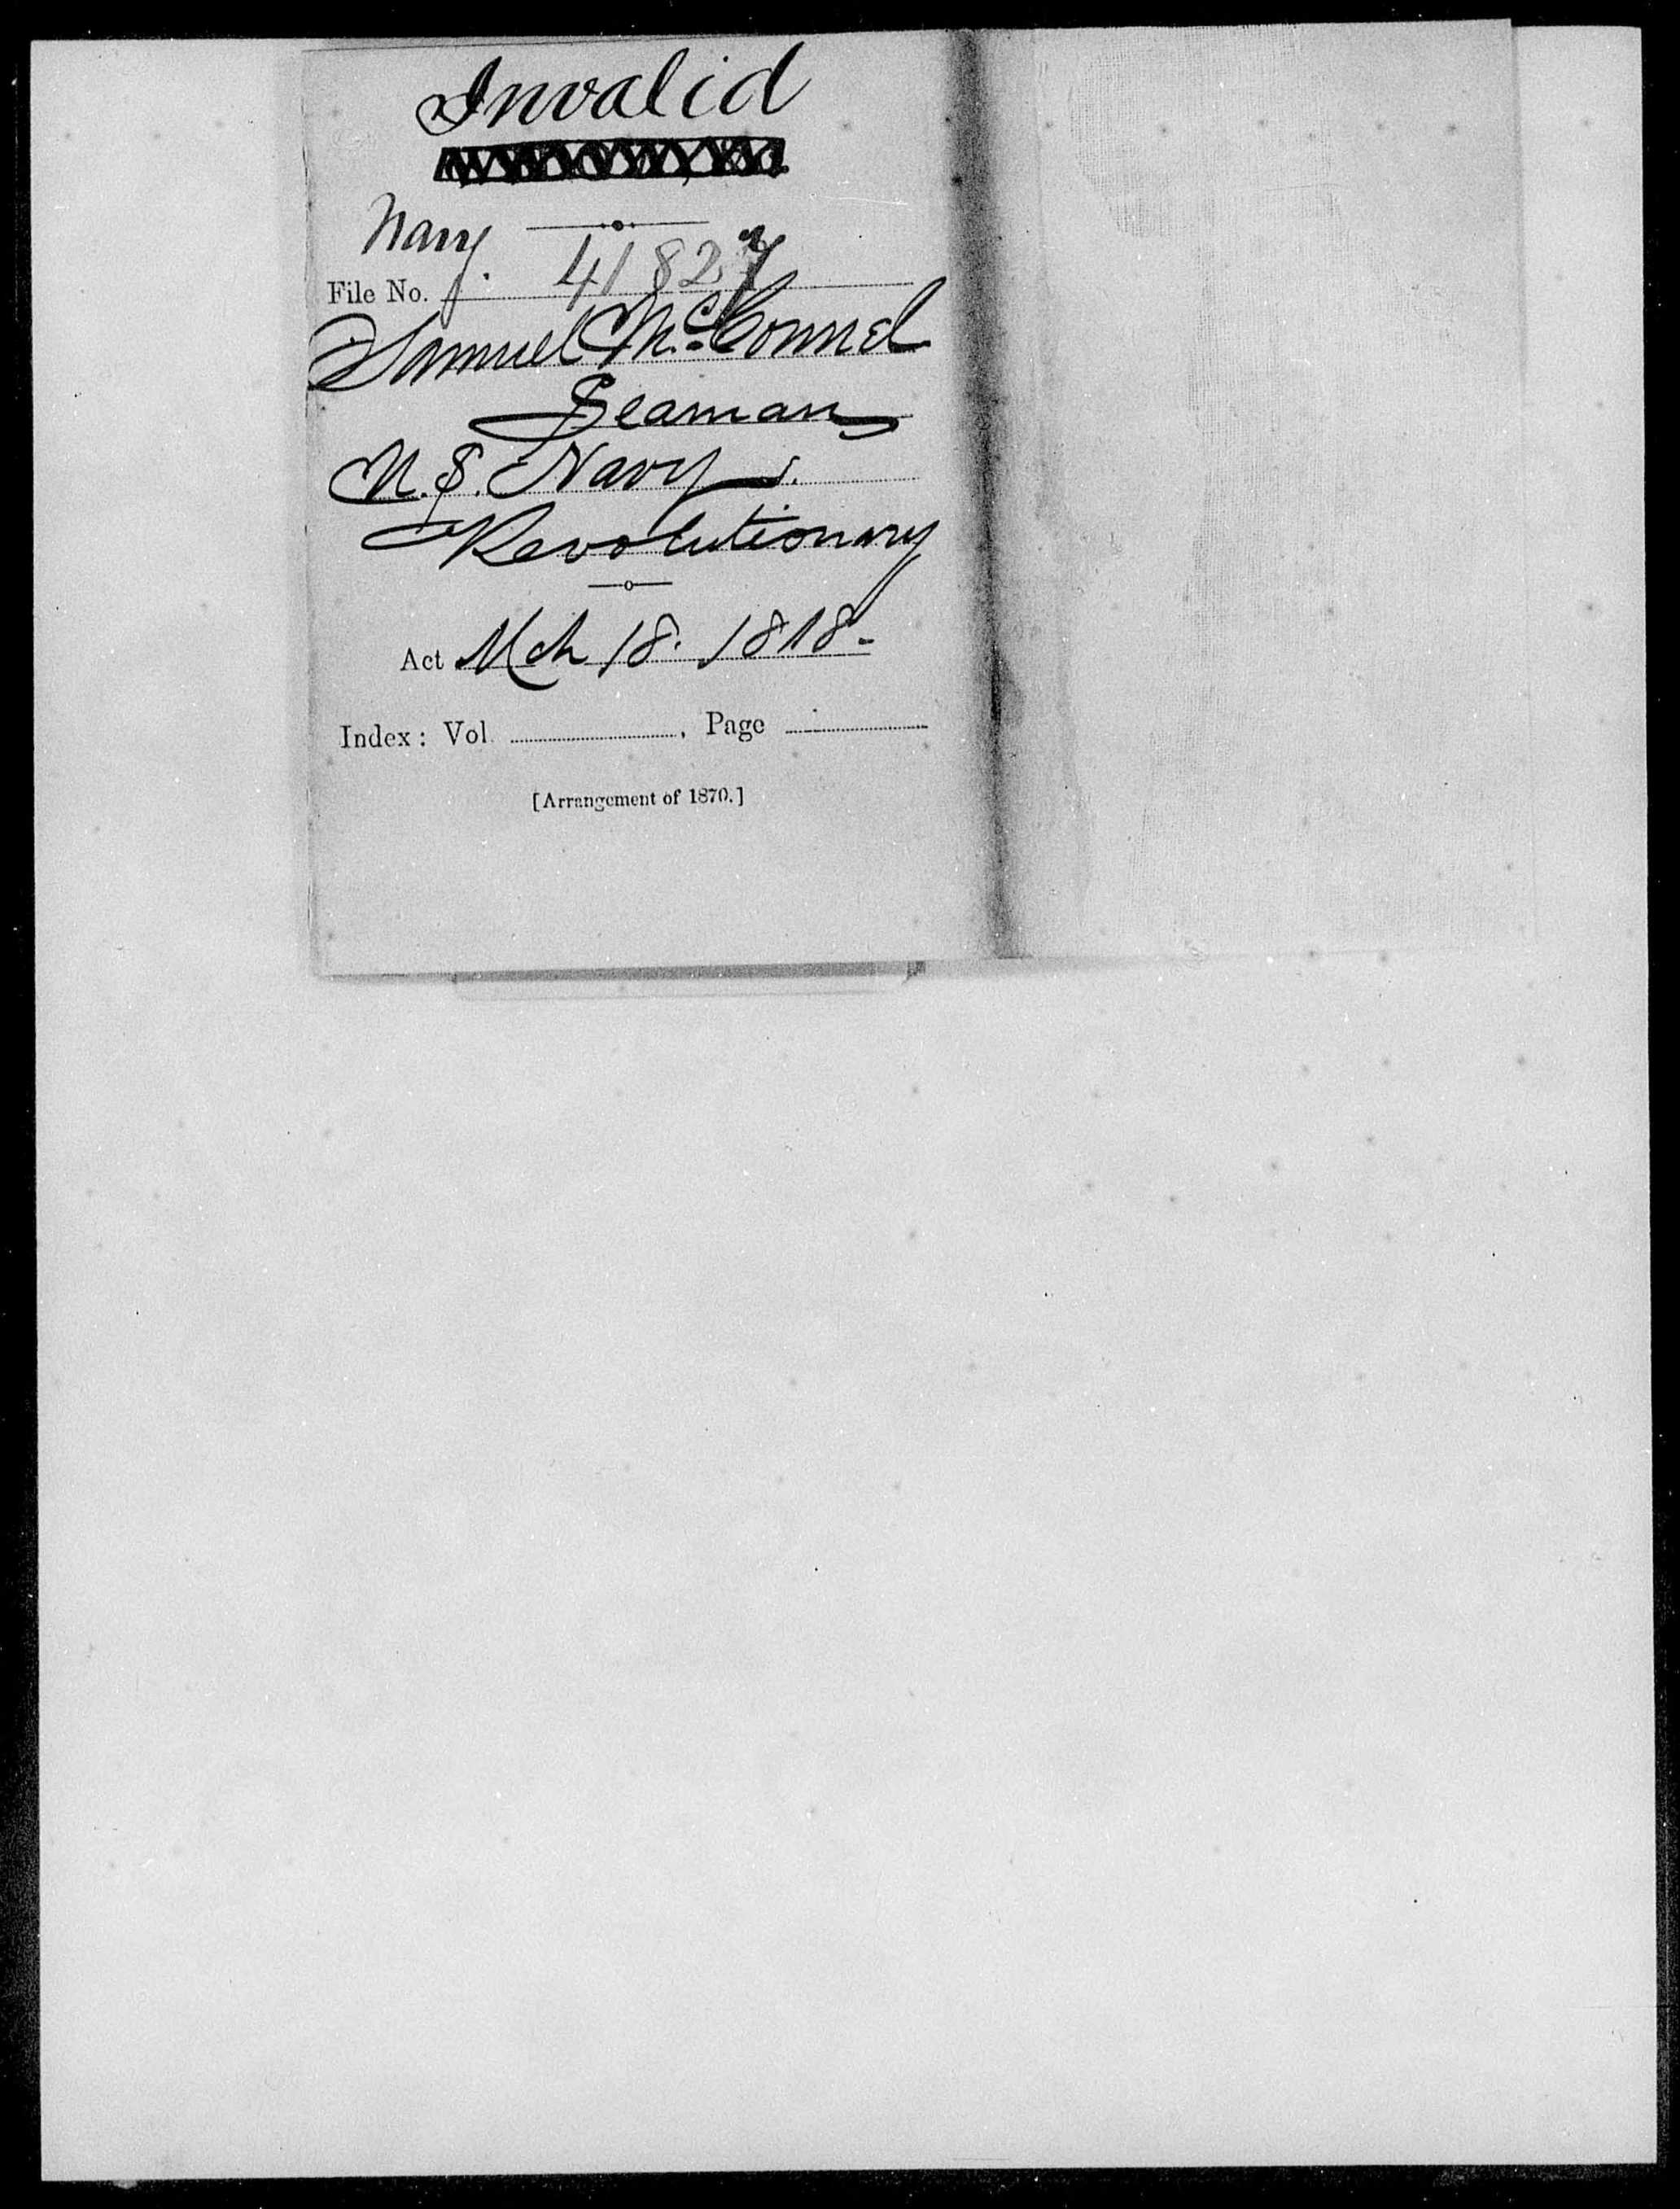Invalid
['WIDOW &c' crossed out]
Navy
File No. 41827
Samuel McConnel
Seaman U.S. Navy
Revolutionary
Act Mch. 18 1818
Index: Vol. [blank], Page [blank]
[Arrangement of 1870.]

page: 6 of 18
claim: survivor's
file: S. 41,827, for Samuel Mc Connel, Vermont